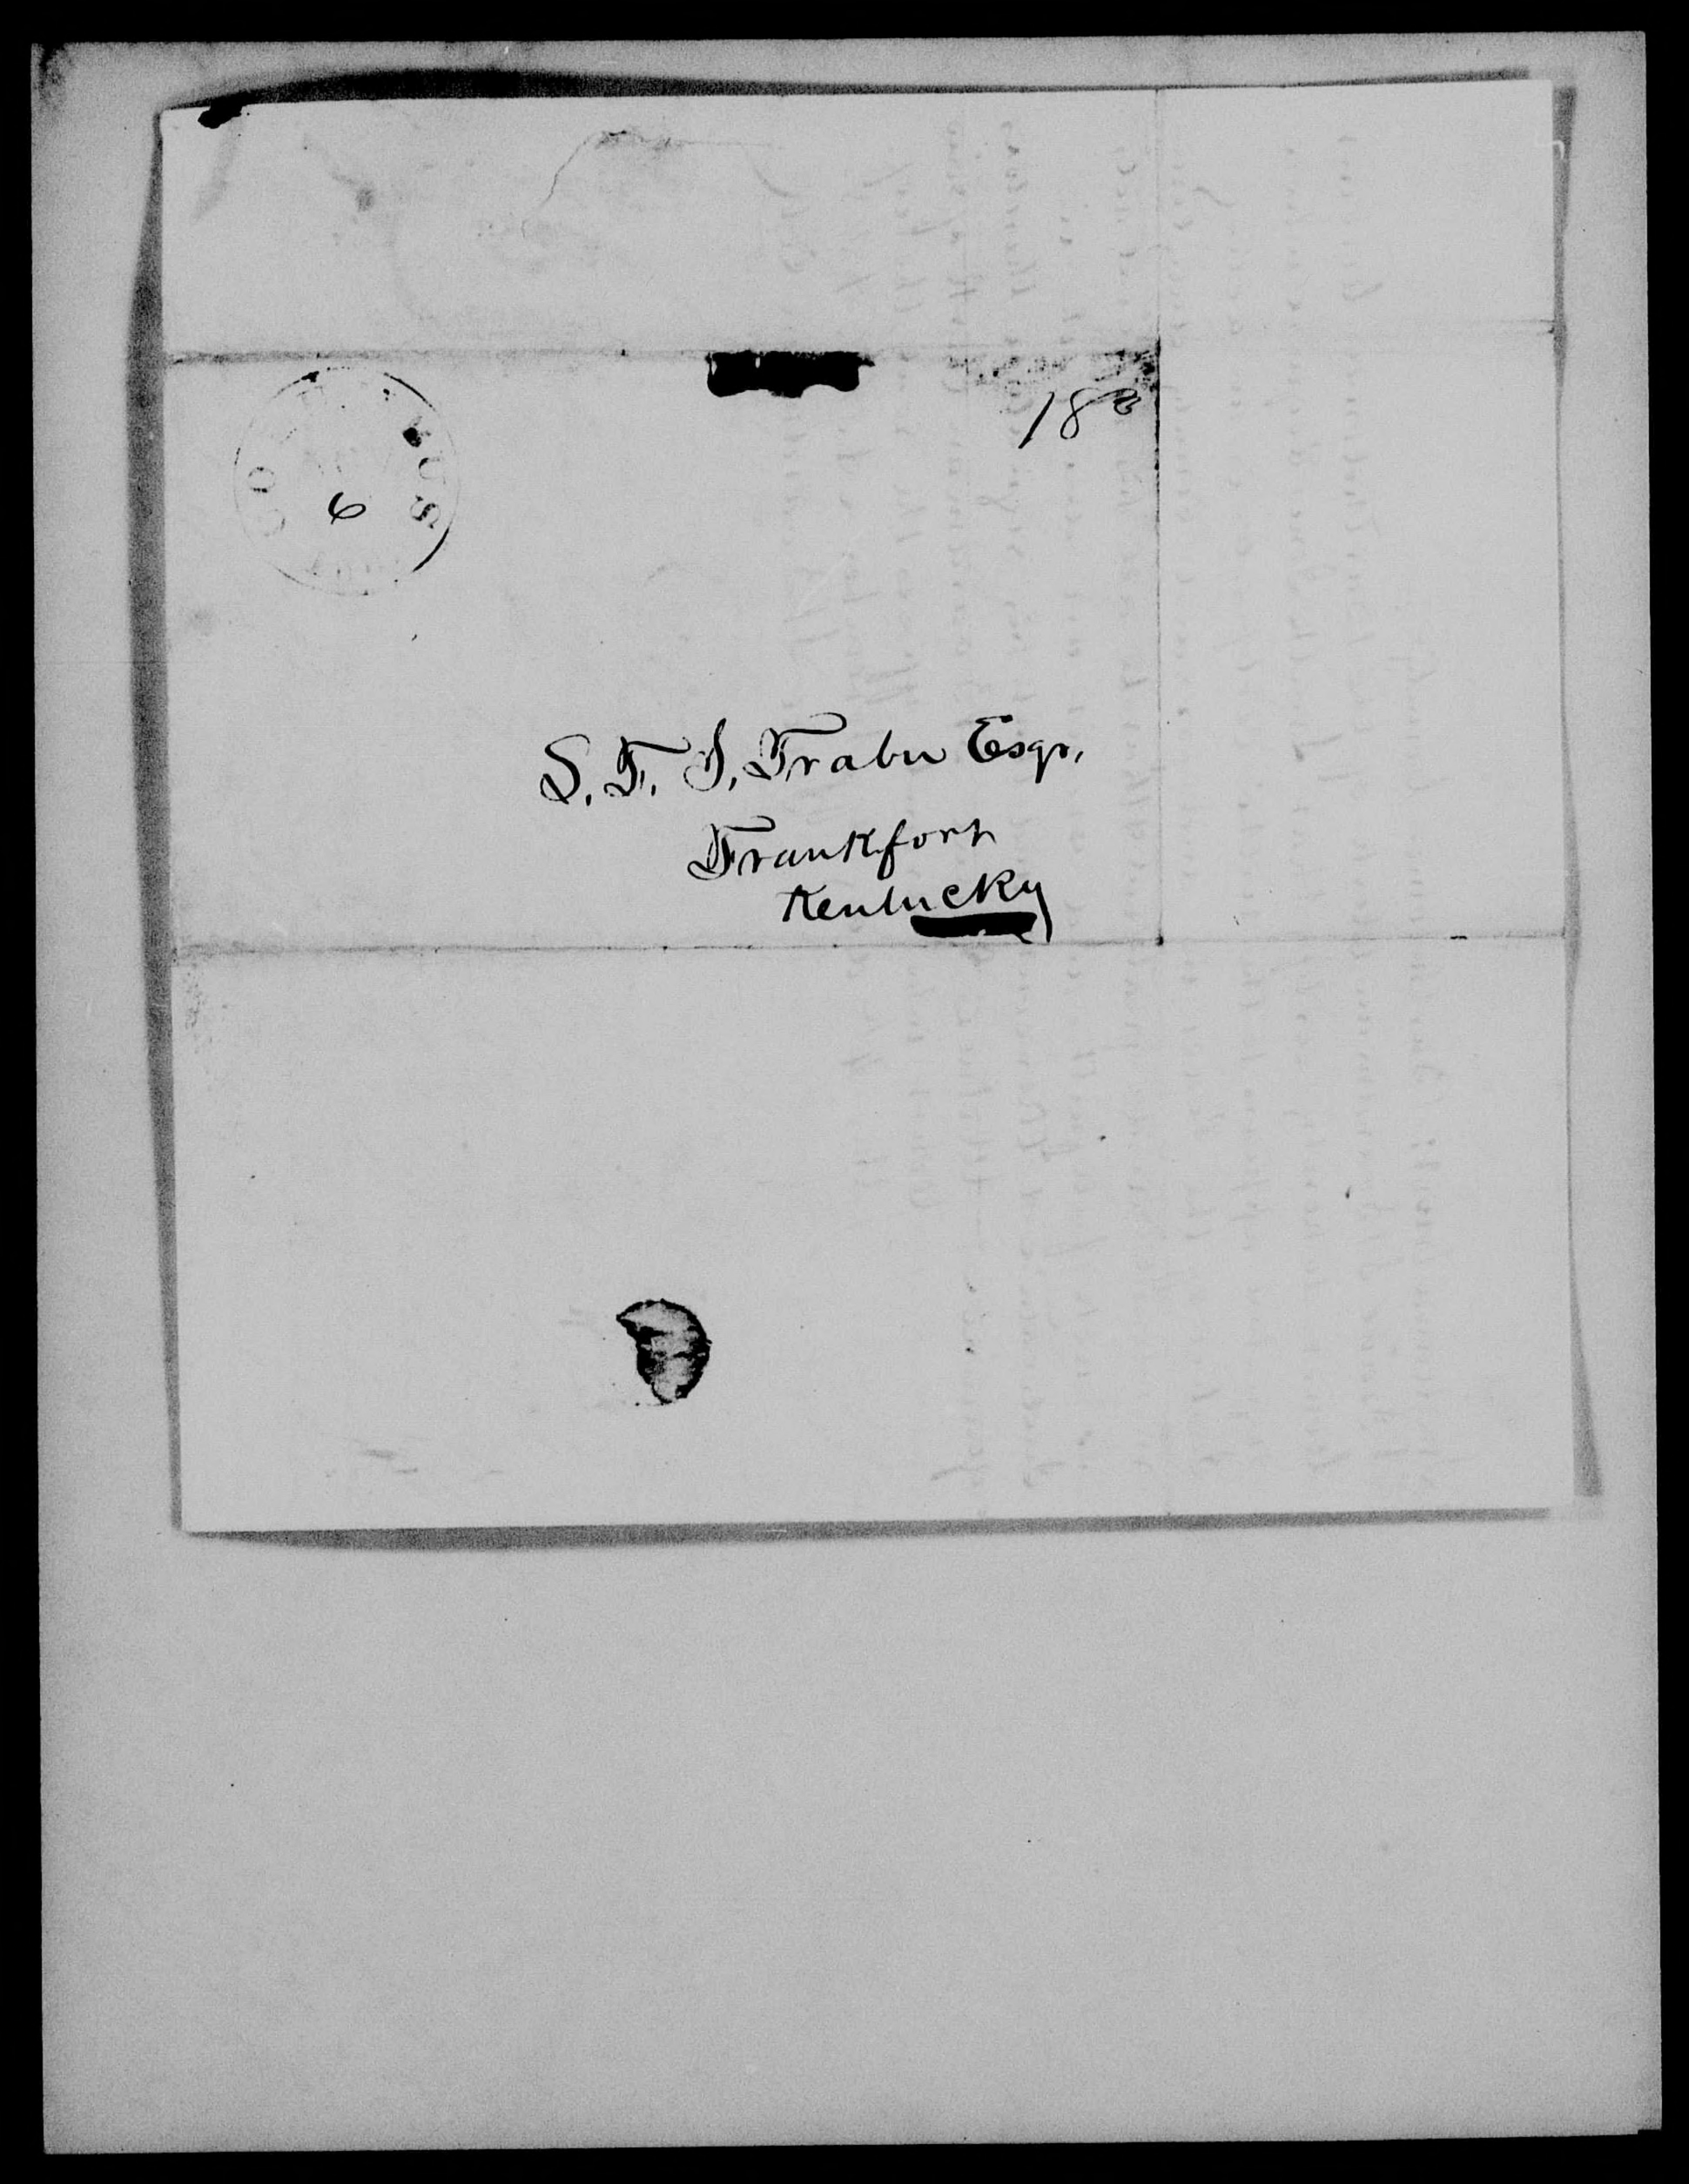[Envelope]

[date stamp]
Columbus
Nov
6
Ind. [sp]
[/date stamp]

18 [cents]

S. F. S. Trabue Esqr.
Frankfort
Kentucky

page: 66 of 78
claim: widow's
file: W. 25,169, for Daniel Sullivan, Maryland